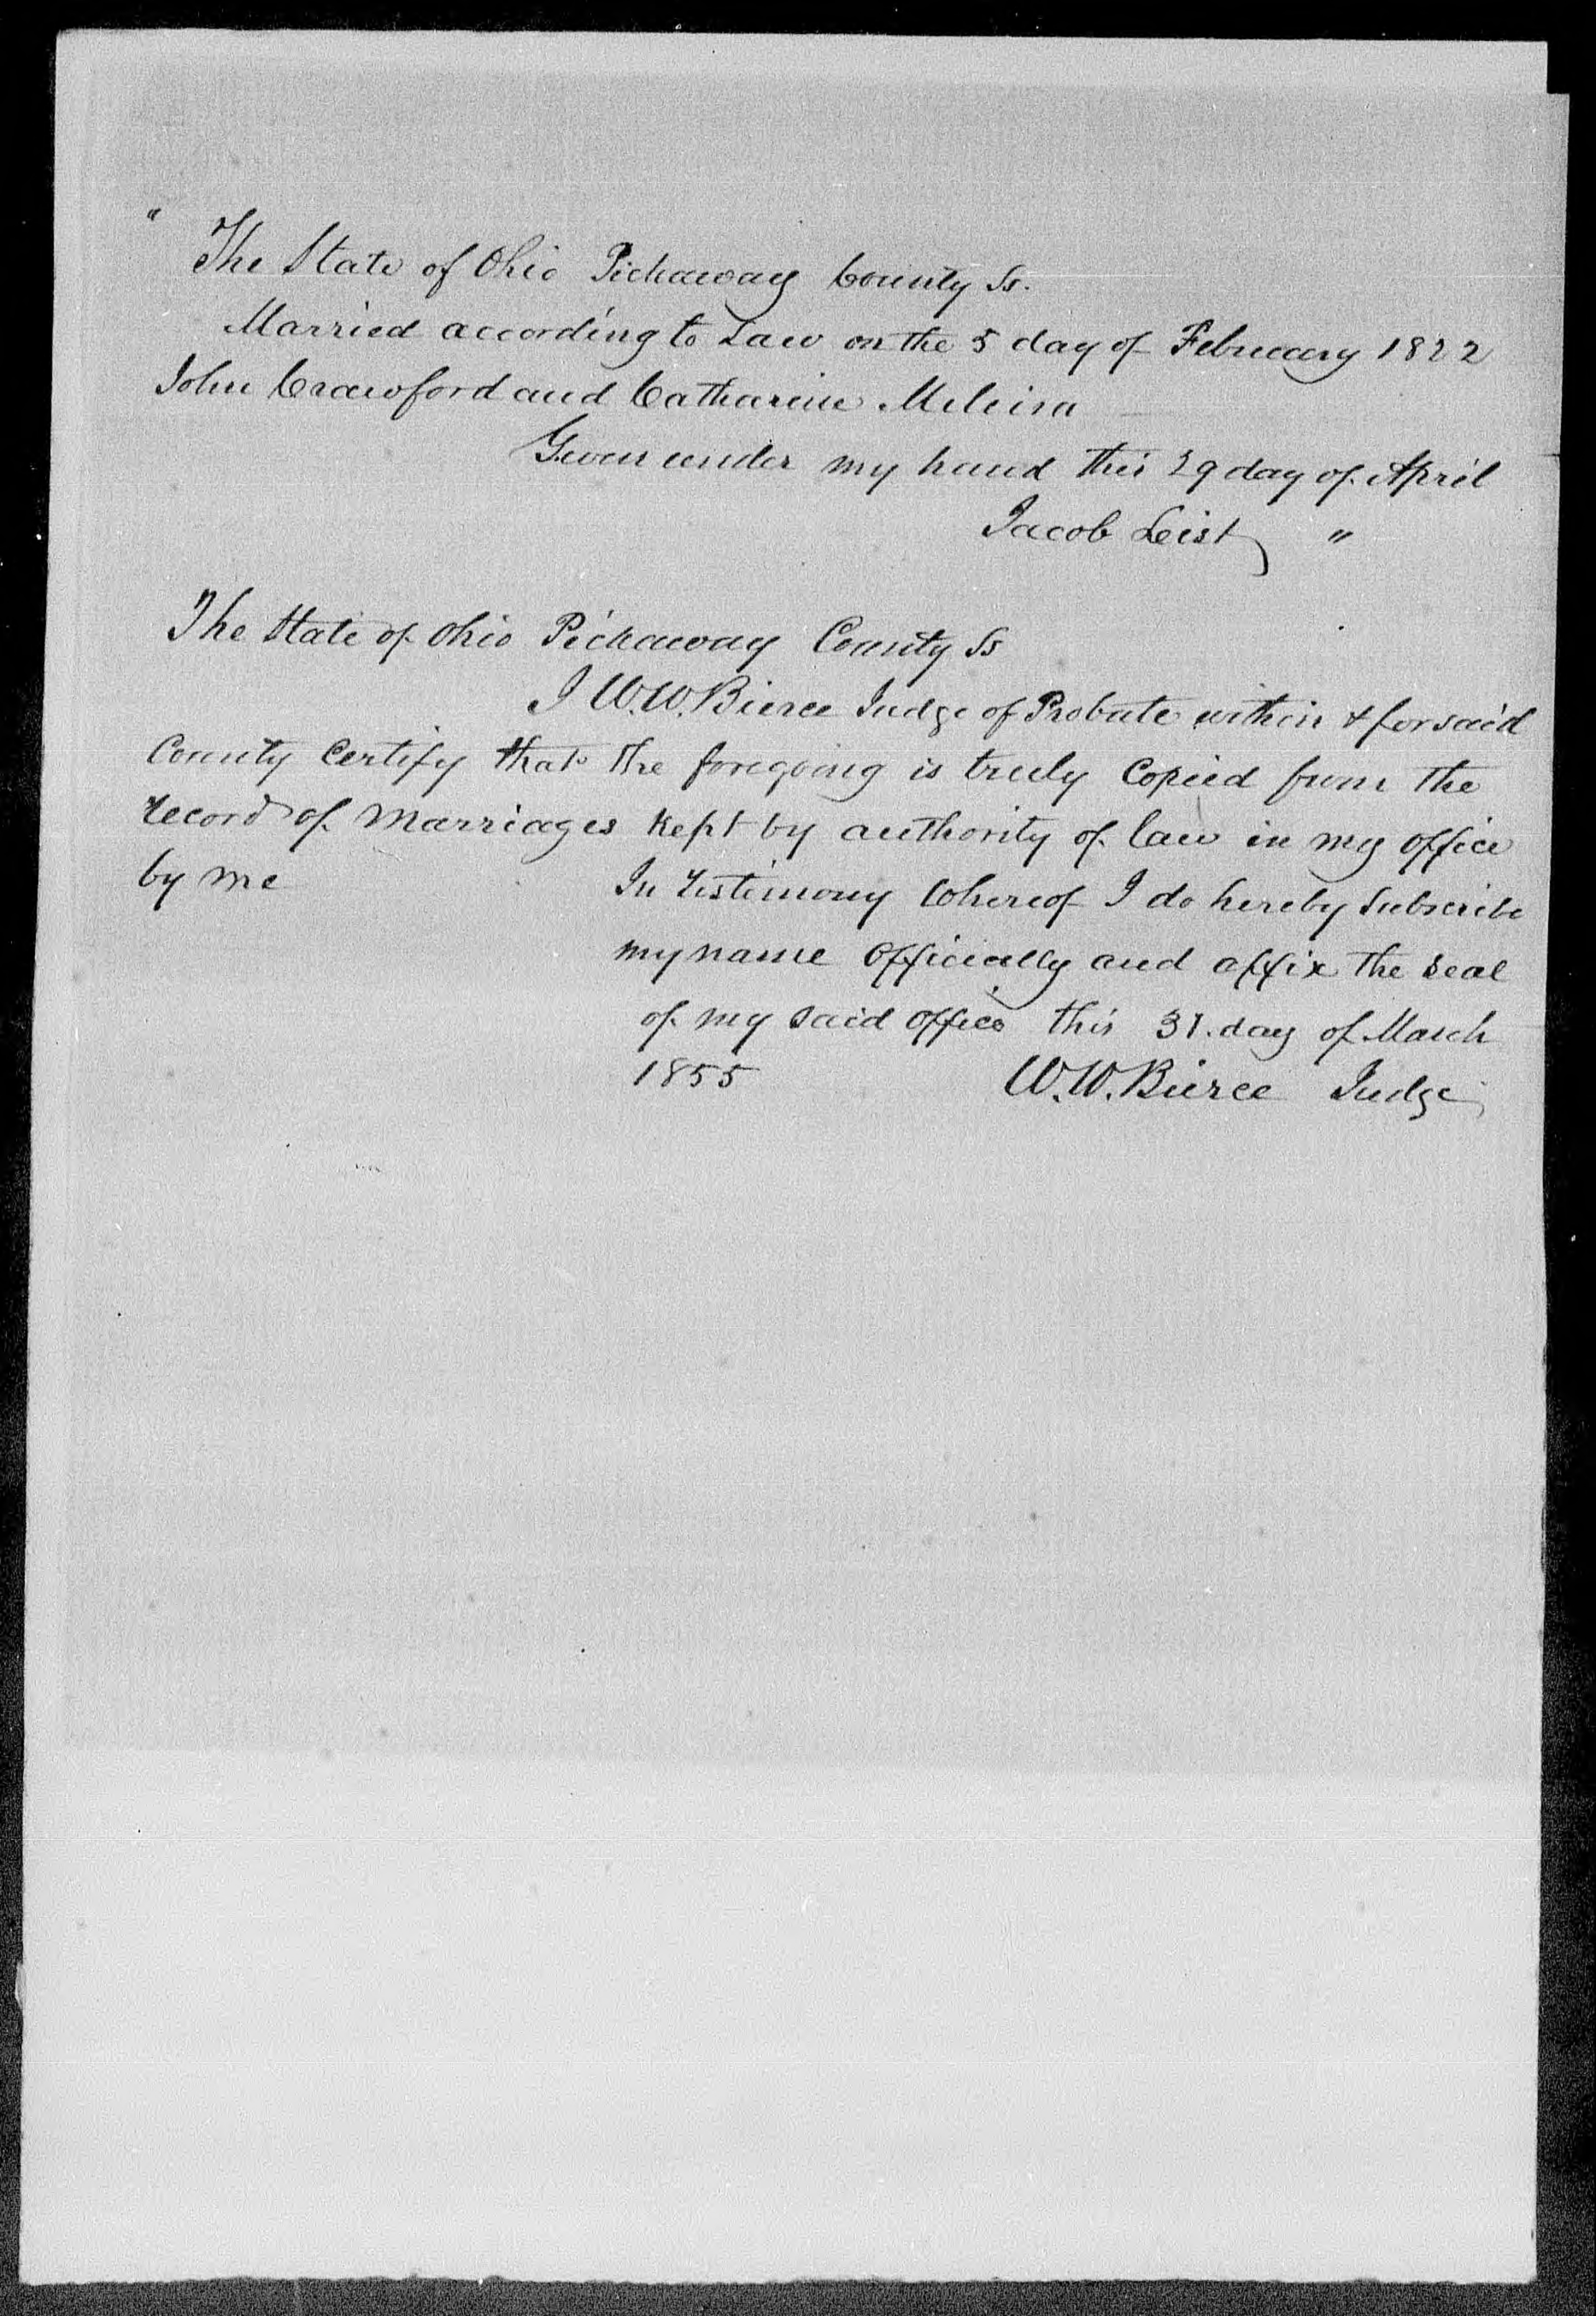The State of Ohio
Pickaway County Ss
Married according to Law on the 5 day of February 1822 John Crawford and Catharine Meleisa.
Given under my hand this 29 day of April
Jacob Leist

The State of Ohio Pickaway County Ss
I W.W. Bierce Judge of Probate within & foresaid
County certify that the foregoing is truly copied from the record of Marriages kept by authority of law in my office by me
In Testimony whereof I do hereby subscribe
my name officially and affix the seal of my said office this 31 day of March 1855
W.W. Bierce Judge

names: W W Bierce, W W Bierce, Catharine Mileisa, John Crawford, Jacob Leist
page: 31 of 80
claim: widow's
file: W 2070, John Crawford, Penn.